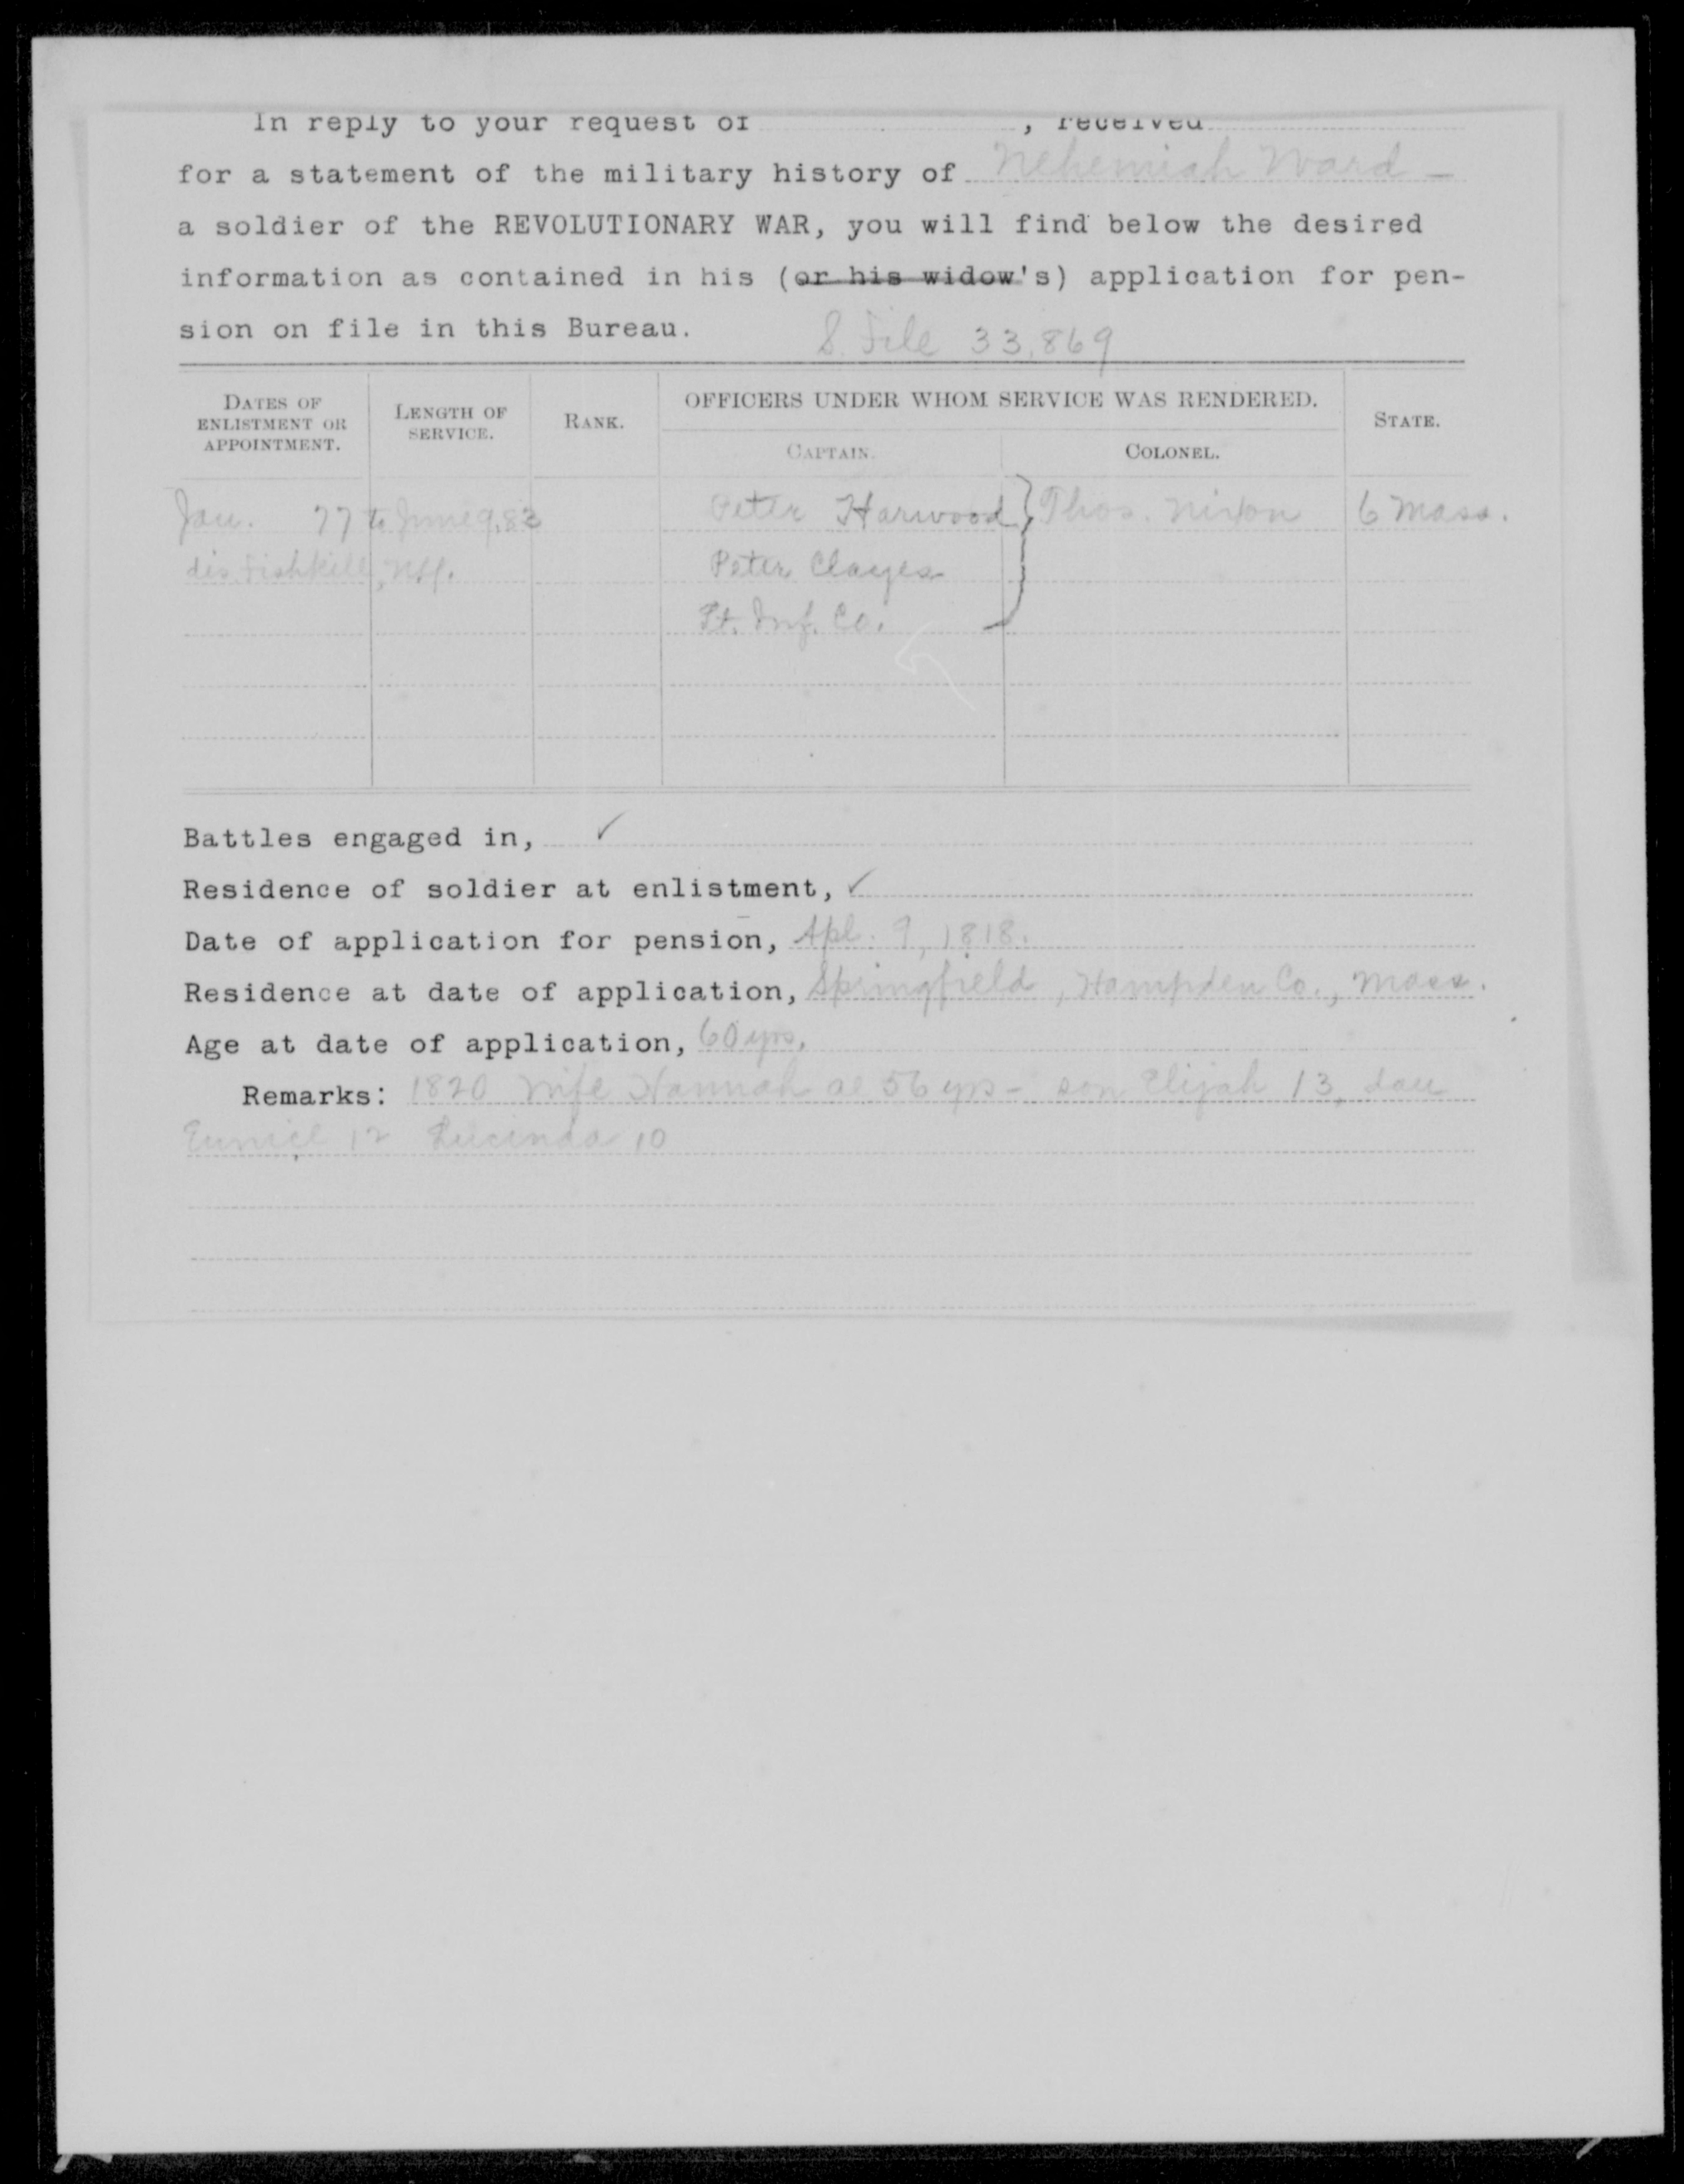In reply to your request of for a statement of the military history of Nehemiah Ward a soldier of the REVOLUTIONARY WAR, you will find below the desired information as contained in his [crossed out '(or his widow's)'] application for pension on file in this Bureau. S. File 33,869

DATES OF ENLISTMENT OR APPOINTMENT. Jan 77 to June 9.83 dis. Fishkill, N.H. 

LENGTH OF SERVICE.  

RANK. 

OFFICERS UNDER WHOM SERVICE WAS RENDERED. CAPTAIN - Peter Harwood Peter Clayes Lt. Inf.. Co. COLONEL. Thos. Nixon 

STATE. 6 Mass. 
Battles engaged in, 

Residence of soldier at enlistment, 

Date of application for pension, Apr. 9, 1818. 

Residence at date of application, Springfield, Hampden Co., Mass. 

Age at date of application, 60 yrs. 

Remarks: 1820 wife Hannah ae 56 yrs - son Elijah 13, dau Eunice 12. Lucinda 10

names: Peter Harwood, Hannah, Peter Clayes, Thos Nixon, Elijah, Nehemiah Ward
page: 7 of 9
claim: survivor's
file: S. 33869, Nehemiah Ward, Mass.